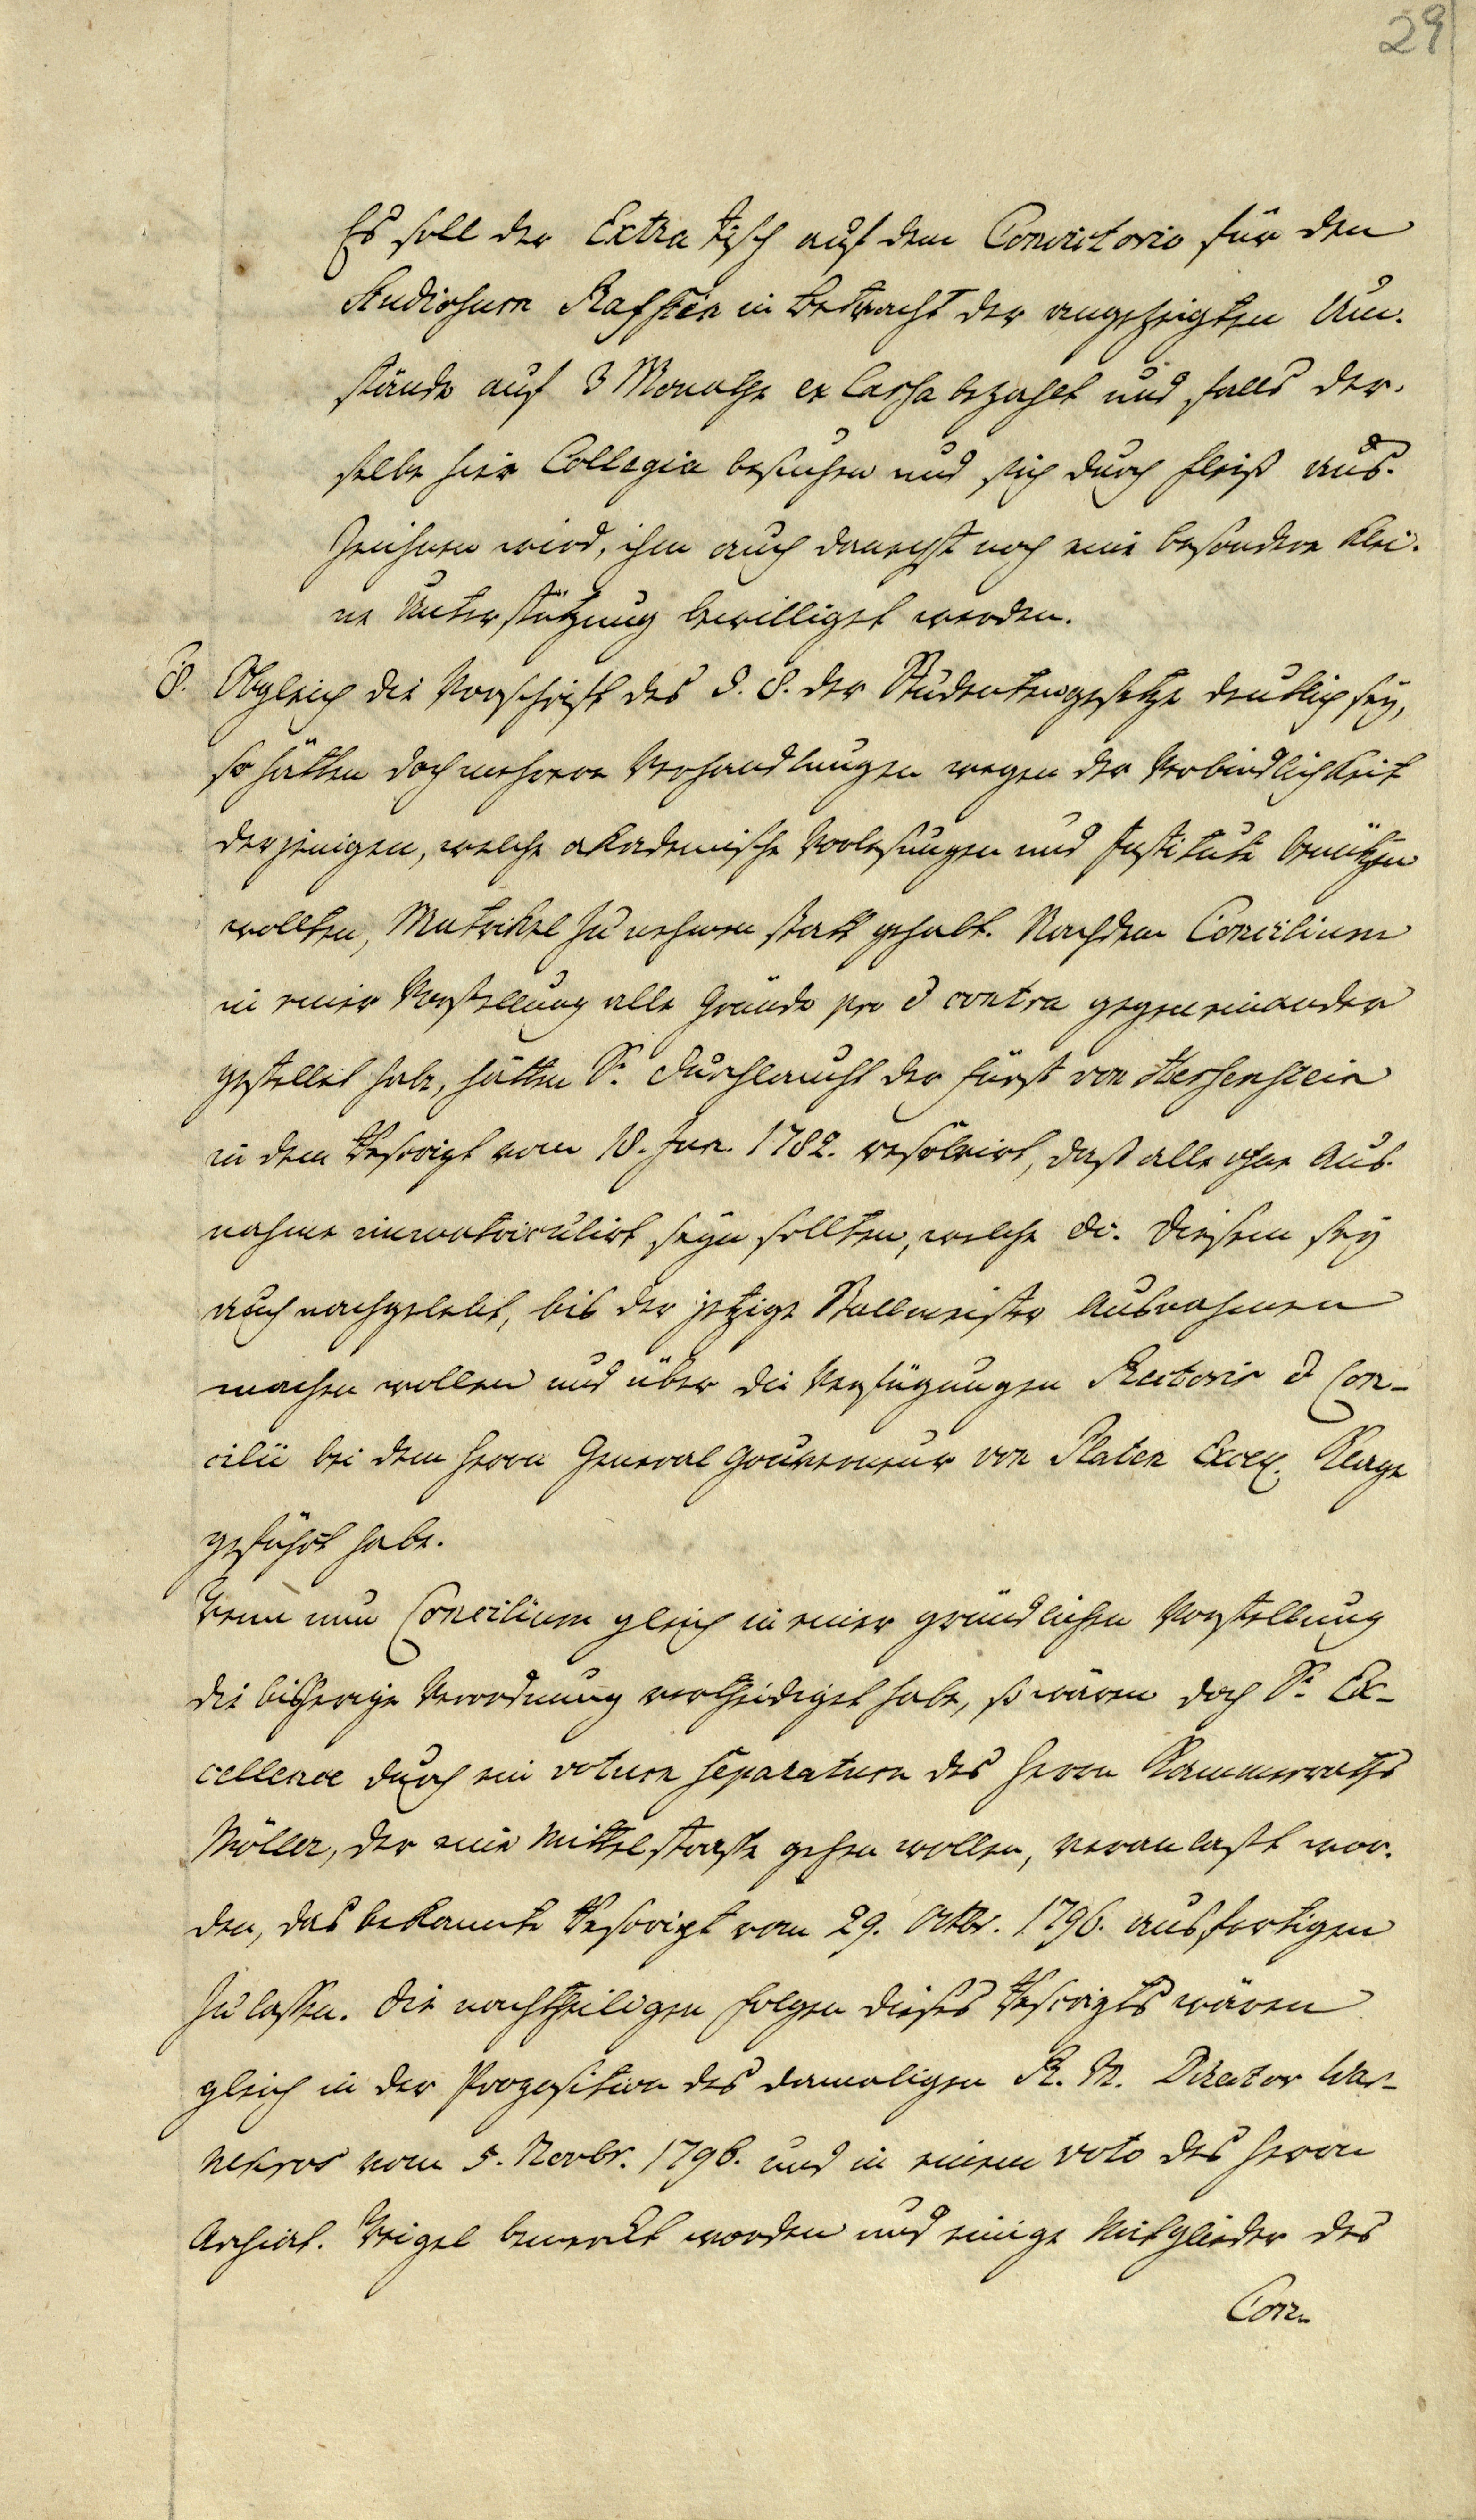Es soll der Extra Tisch auf dem Convictorio für den
Studiosum Rafsten in Betracht der angezeigten Um¬
stände auf 3 Monathe ex Cassa bezahlt und falls der¬
selbe hier Collegia besuchen und sich durch Fleiß aus¬
zeichnen wird, ihm auch danechst noch eine besondere klei¬
ne Unterstützung bewilliget werden.
8. Obgleich die Vorschrift des §. 8. der Studentengesetze deutlich seÿ,
so hätten doch mehrere Verhandlungen wegen der Verbindlichkeit
derjenigen, welche akademische Vorlesungen und Institute benützen
wollten, Matrikel zu nehmen statt gehabt. Nachdem Concilium
in einer Vorstellung alle Gründe pro et contra gegeneinander
gestellet habe, hätten Sr. Durchlaucht der Fürst von Hessenstein
in dem Rescript vom 18. Jun. 1782. resolvirt, daß alle ohne Aus¬
nahme immatriculirt seÿn sollten, welche di. diesem seÿ
auch nachgelebt, bis der jetzige Stallmeister Ausnahmen
machen wollen und über die Verfügungen Rectoris et Con¬
cilii bei dem Herrn General Gouverneur von Platen Excell. Klage
geführt habe.
Wenn nun Concilium gleich in einer gründlichen Vorstellung
die bisherige Verordnung vertheidiget habe, so wären doch Sr. Ex¬
cellence durch ein votum separatum des Herrn Kammerraths
Möller, der eine Mittelstrasse gehen wollen, veranlaßt wor¬
den, das bekannte Rescript vom 29. Octbr. 1796. ausfertigen
zu lassen. Die nachtheiligen Folgen dieses Rescripts wären
gleich in der Proposition des damaligen R. M. Director War¬
nekros vom 5. Novbr. 1796. und in einem voto des Herrn
Archiat. Weigel bemerckt worden und einige Mitglieder des
Con¬